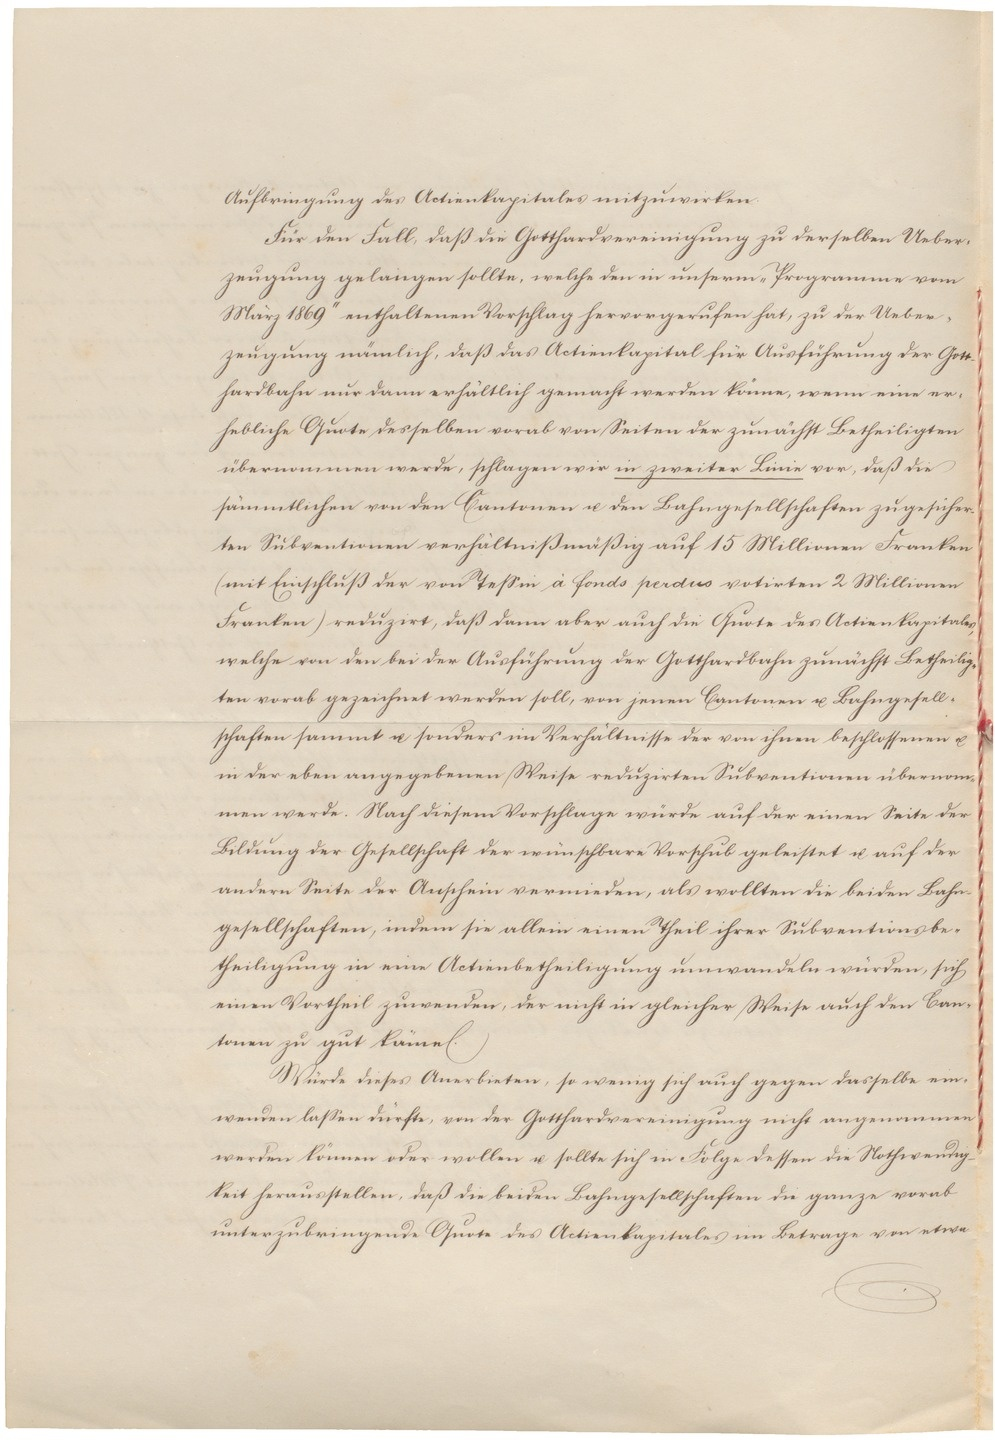Aufbringung des Actienkapitales mitzuwirken.
Für den Fall, daß die Gotthardvereinigung zu derselben Ueber-
zeugung gelangen sollte, welche den in unserm «Programme vom
März 1869» enthaltenen Vorschlag hervorgerufen hat, zu der Ueber-
zeugung nämlich, daß das Actienkapital für Ausführung der Gott-
hardbahn nur dann erhältlich gemacht werden könne, wenn eine er-
hebliche Quote desselben vorab von Seiten der zunächst Betheiligten
übernommen werde, schlagen wir in zweiter Linie vor, daß die
sämmtlichen von den Cantonen & den Bahngesellschaften zugesicher-
ten Subventionen verhältnißmäßig auf 15 Millionen Franken
Franken) reduzirt, daß dann aber auch die Quote des Actienkapitales,
ten vorab gezeichnet werden soll, von jenen Cantonen & Bahngesell-
schaften sammt & sonders im Verhältnisse der von ihnen beschlossenen &
in der eben angegebenen Weise reduzirten Subventionen übernom-
men werde. Nach diesem Vorschlage würde auf der einen Seite der
Bildung der Gesellschaft der wünschbare Vorschub geleistet & auf der
andern Seite der Anschein vermieden, als wollten die beiden Bahn-
gesellschaften, indem sie allein einen Theil ihrer Subventionsbe-
theiligung in eine Actienbetheiligung umwandeln würden, sich
einen Vortheil zuwenden, der nicht in gleicher Weise auch den Can-
tonen zu gut käme.
Würde dieses Anerbieten, so wenig sich auch gegen dasselbe ein-
wenden lassen dürfte, von der Gotthardvereinigung nicht angenommen
werden können oder wollen & sollte sich in Folge dessen die Nothwendig-
keit herausstellen, daß die beiden Bahngesellschaften die ganze vorab
unterzubringende Quote des Actienkapitales im Betrage von etwa